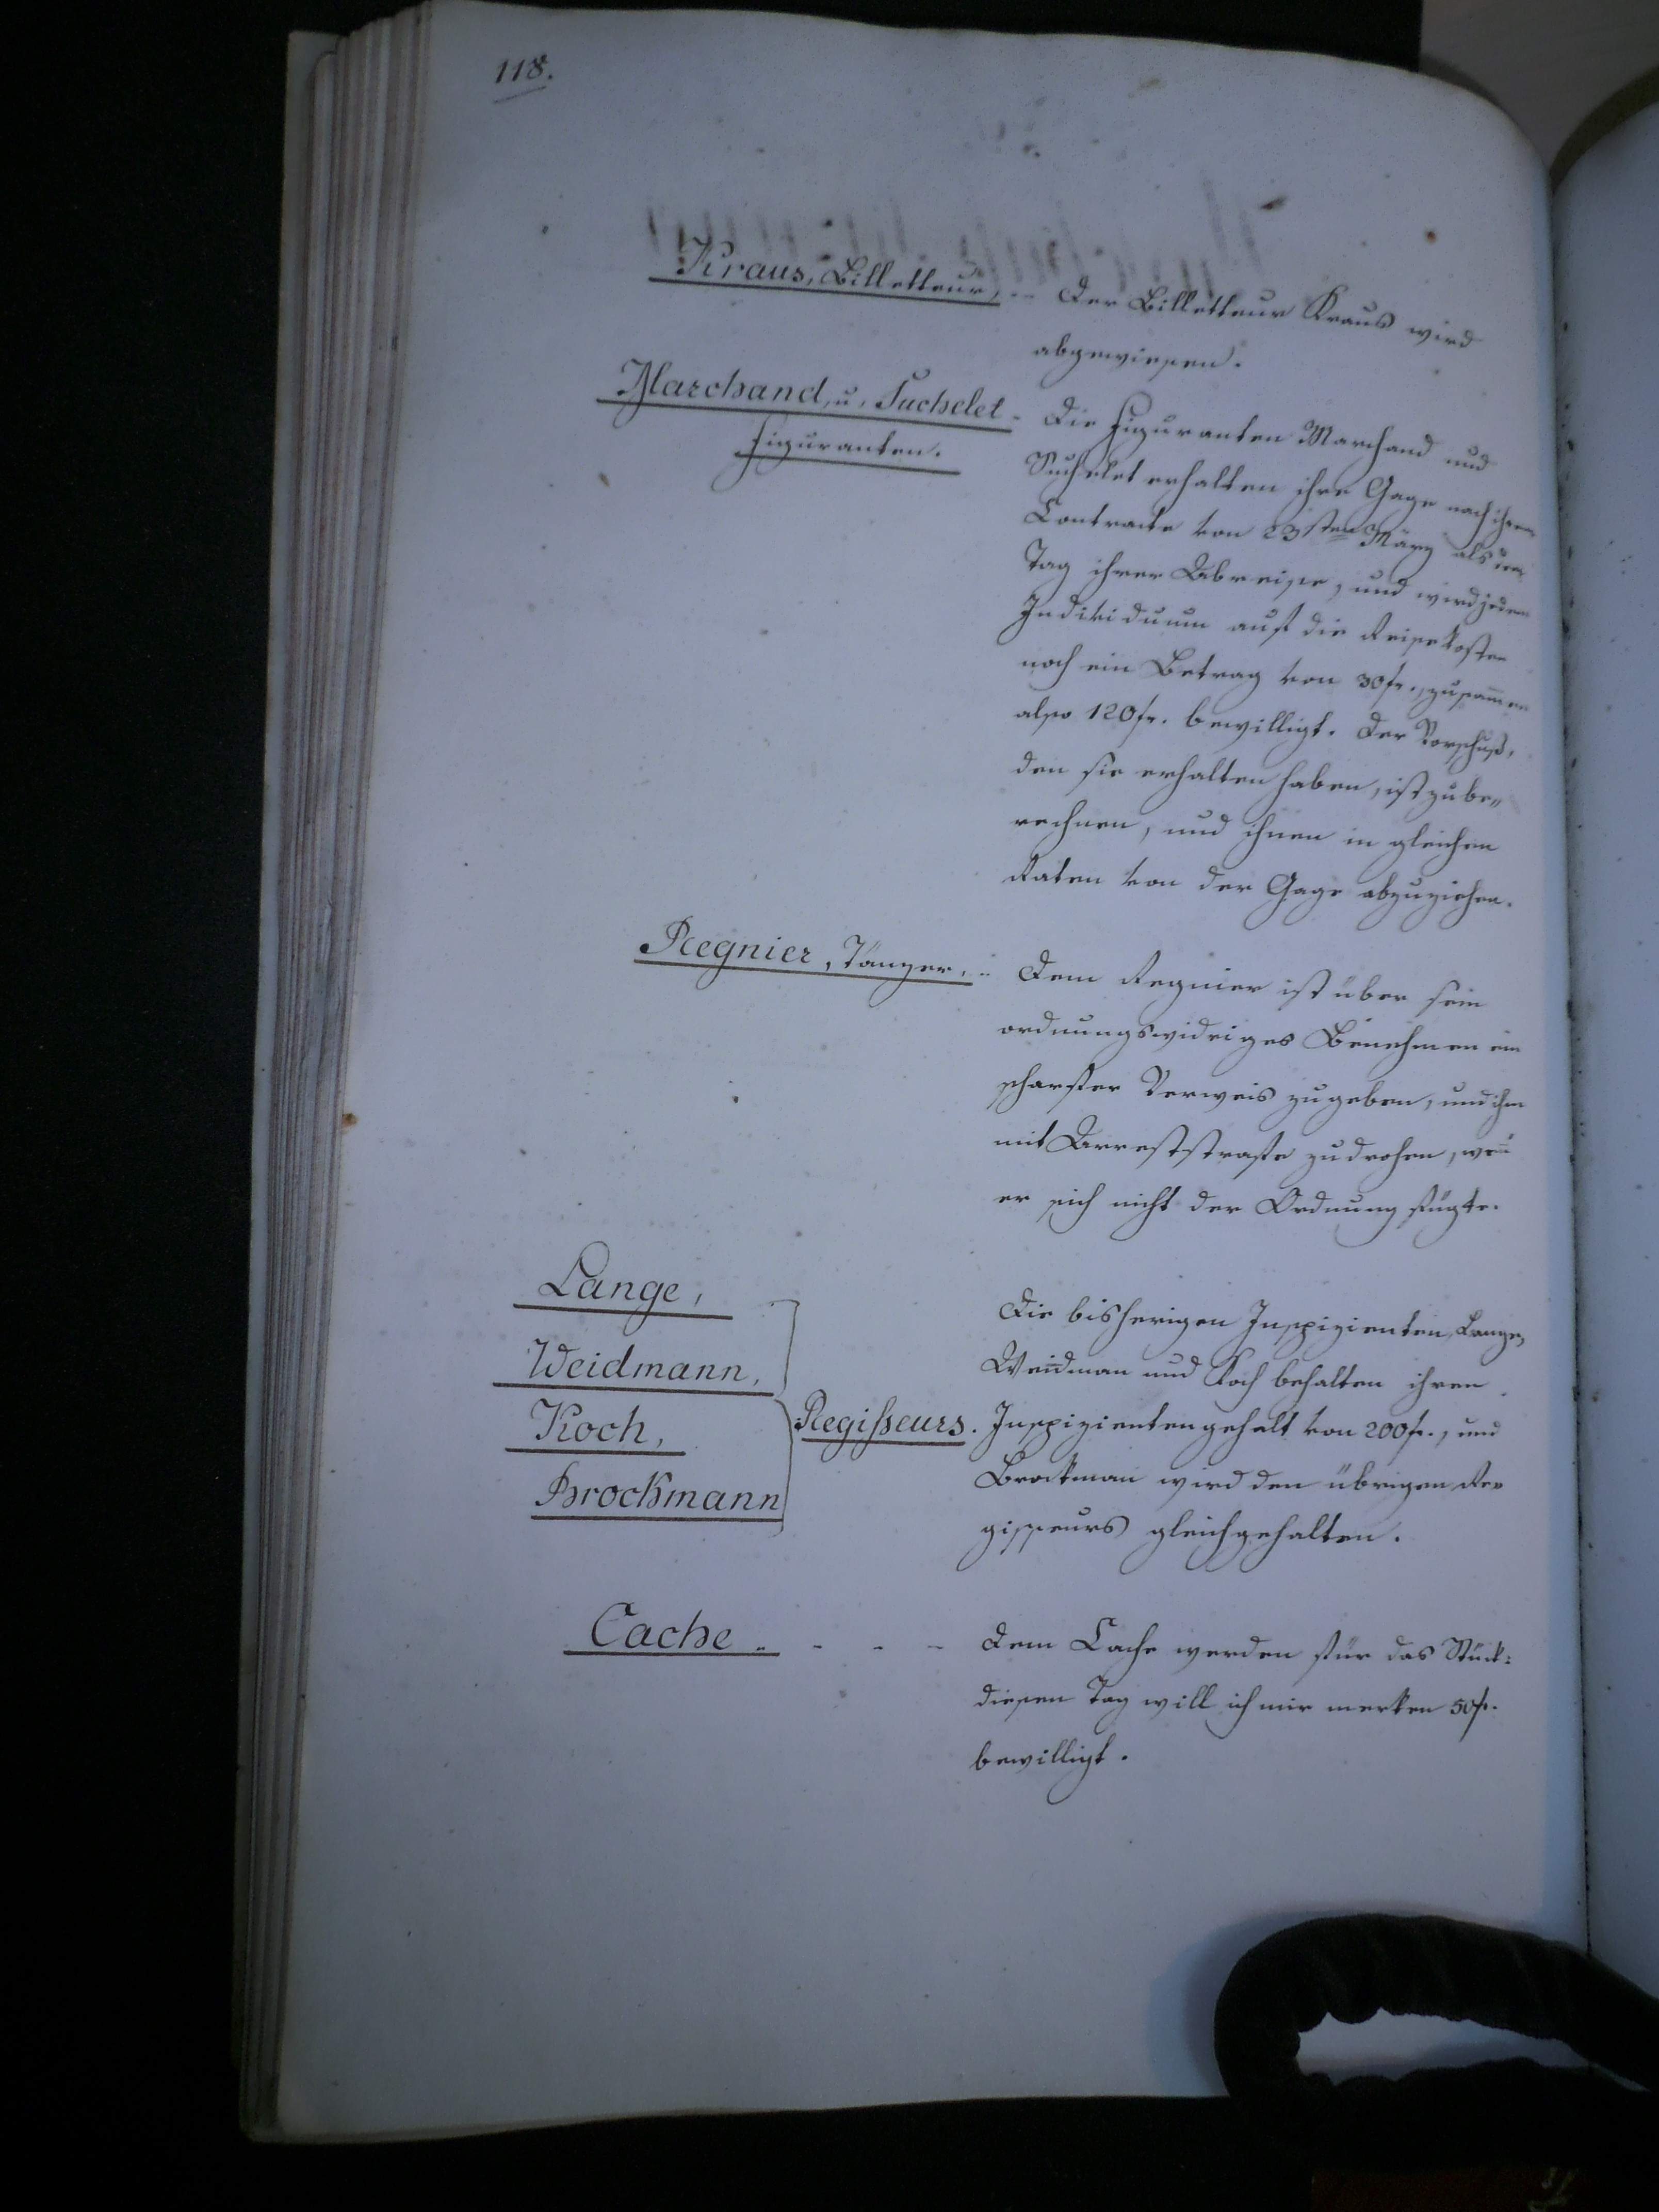118.
Kraus, Billetteur, . .. Der Billetteur Kraus wird
abgewiesen.
Marchand, u, Suchelet .
Figuranten.
Die Figuranten Marchand und
Suchelet erhalten ihre Gage nach ihrem
Contracte von 23ste͇n März als dem
Tag ihrer Abreise, und wird jedem
Individiuum auf die Reisekosten
noch ein Betrag von 30fr., zusam̅en
also 120fr. bewilligt. Der Vorschuß,
den sie erhalten haben, ist zu be¬
rechnen, und ihnen in gleichen
Raten von der Gage abzuziehen.
Regnier, Tänzer. .. Dem Regnier ist über sein
ordnungswidriges Benehmen ein
scharfer Verweis zugeben, und ihm
mit Arreststrafe zu drohen, wen̅
er sich nicht der Ordnung fügte.
Lange,
Weidmann,
Koch,
Brockmann
Regisseurs.
Die bisherigen Inspizienten Lange,
Weidman und Koch behalten ihren
Inspizientengehalt von 200fr., und
Brockman wird den übrigen Re¬
gisseurs gleichgehalten.
Cache .. .. .. .. Dem Cache werden für das Stück:
diesen Tag will ich mir merken 50fr.
bewilligt.